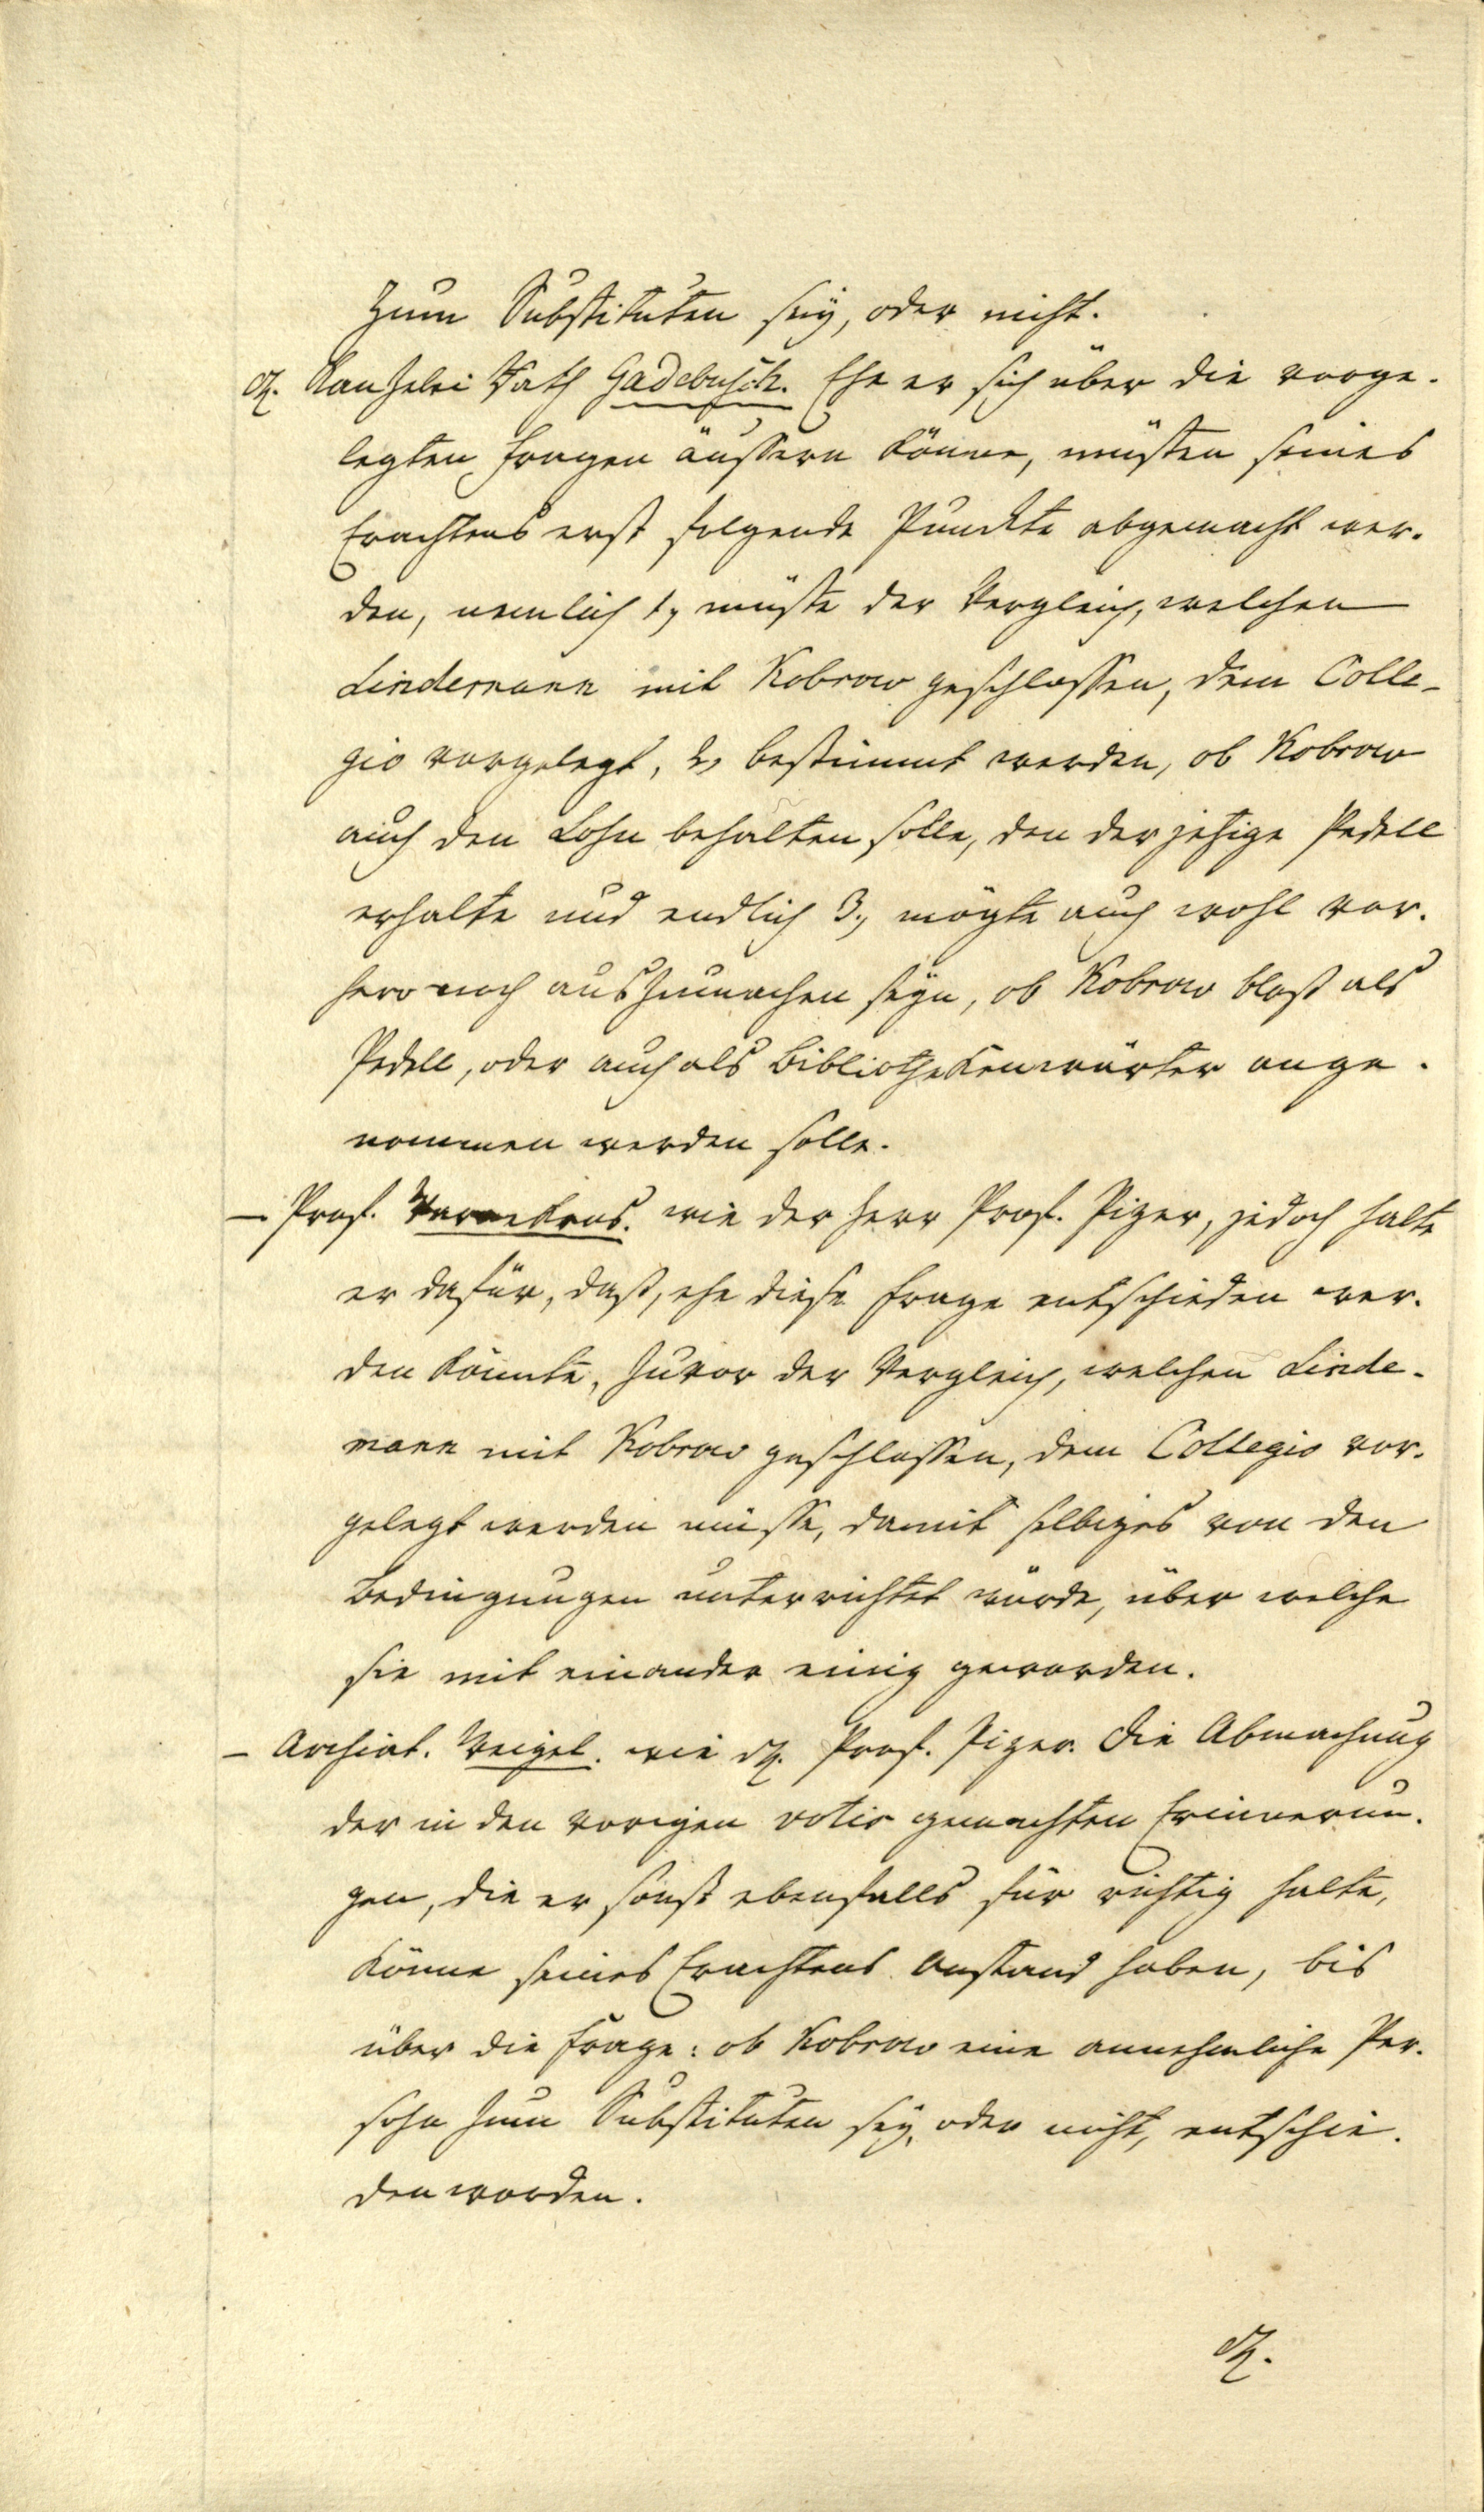zum Substituten seÿ, oder nicht.
dh. Kanzelei Rath Gadebusch. Ehe er sich über die vorge¬
legten Fragen äussern könne, müsten seines
Erachtens erst folgende Punckte abgemacht wer¬
den, nemlich 1, müste der Vergleich, welchen
Lindemann mit Kobrow geschlossen, dem Colle¬
gio vorgelegt, 2, bestimmt werden, ob Kobrow
auch den Lohn behalten solle, den der jetzige Pedell
erhalte und endlich 3., mögte auch wohl vor¬
hero noch auszumachen seÿn, ob Kobrow bloß als
Pedell, oder auch als Bibiothekenwärter ange¬
nommen werden solle.
Prof. Warnekros. wie der herr Prof. Piper, jedoch halte
er dafür, daß, ehe diese Frage entschieden wer¬
den könnte, zuvor der Vergleich, welchen Linde¬
mann mit Kobrow geschlossen, dem Collegio vor¬
gelegt werden müsse, damit selbiges von den
Bedingungen unterrichtet würde, über welche
sie mit einander einig geworden.
Archiat. Weigel. wie dh. Prof. Piper. Die Abmachung
der in den vorigen votis gemachten Erinnerun¬
gen, die er sonst ebenfalls für richtig halte,
könne seines Erachtens Anstand haben, bis
über die Frage: ob Kobrow eine annnehmliche Per¬
sohn zum Substituten seÿ, oder nicht, entschie¬
den worden.
dh.